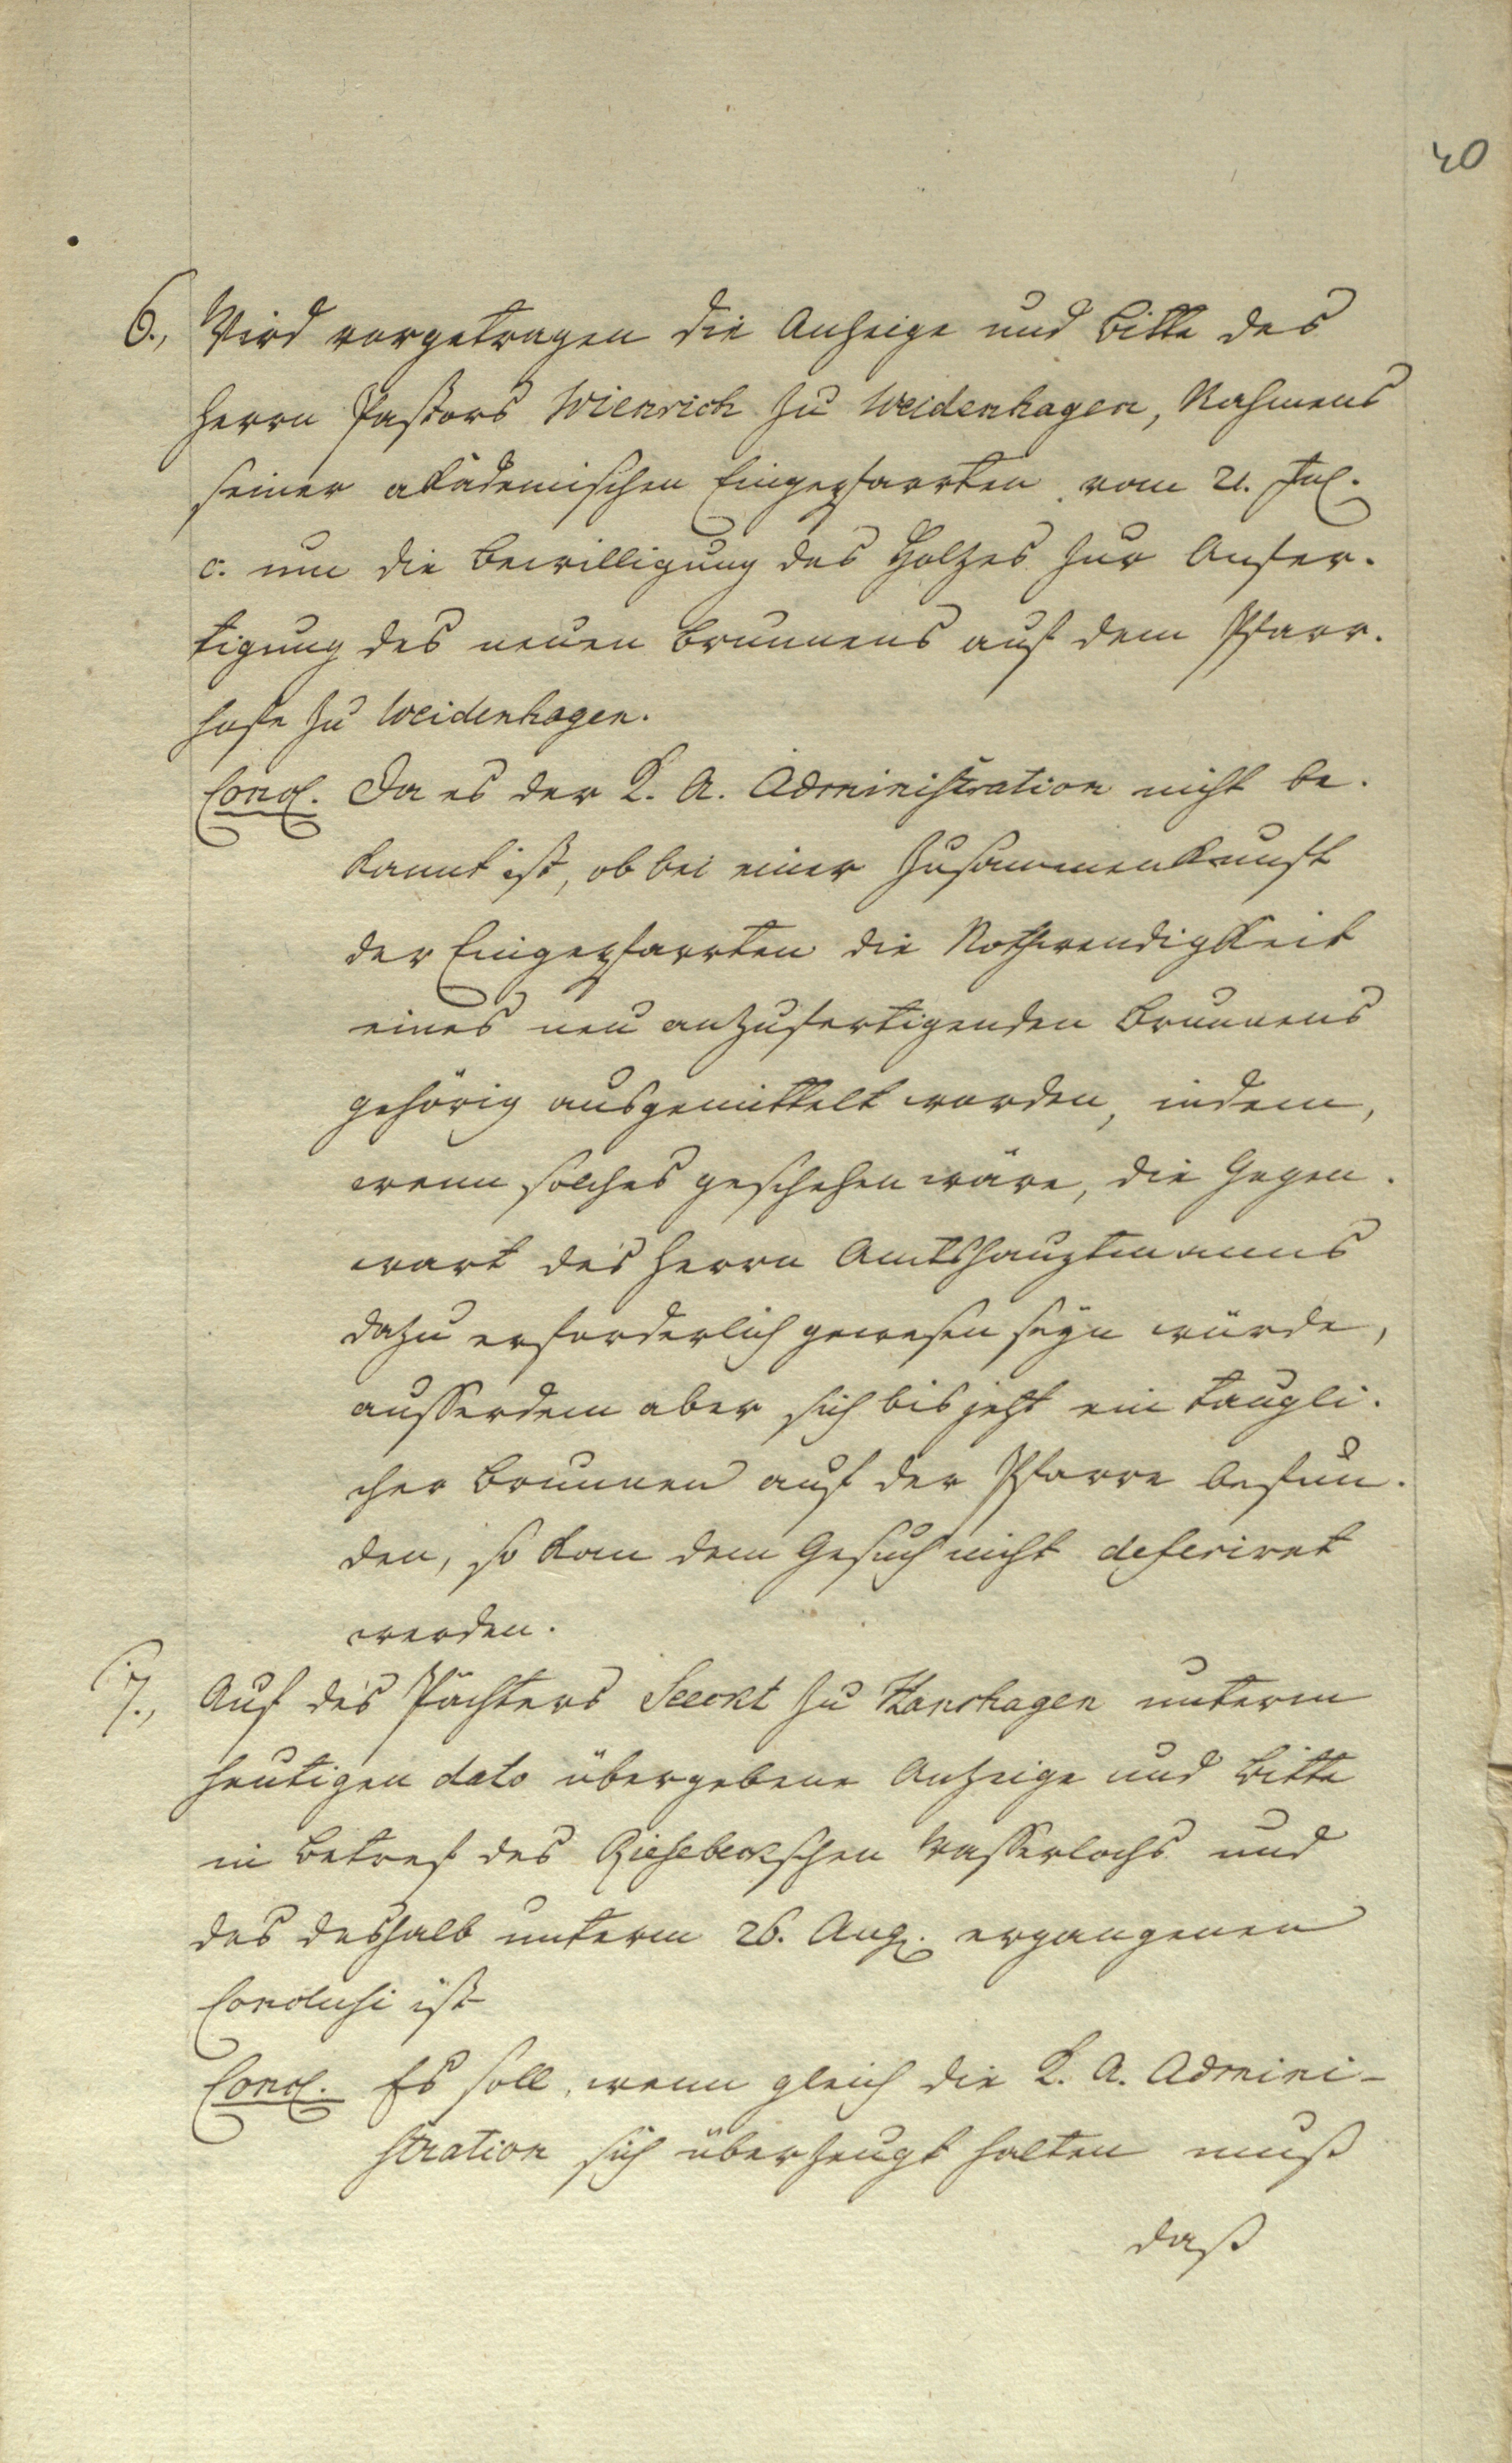6., Wird vorgetragen die Anzeige und Bitte des
Herrn Pastors Wienrich zu Weidenhagen, Nahmens
seiner akademischen Eingepfarrten vom 21. Jul.
c. um die Bewilligung des Holzes zur Anfer¬
tigung des neuen Brunnens auf dem Pfarr¬
hofe zu Weidenhagen.
Concl. Da es der K. A. Administration nicht be¬
kannt ist, ob bei einer Zusammenkunft
der Eingepfarrten die Nothwendigkeit
eines neu anzufertigenden Brunnens
gehörig ausgenmittelt worden, indem,
wenn solches geschehen wäre, die Gegen¬
wart des Herrn Amtshauptmanns
dazu erforderlich gewesen seÿn würde,
ausserdem aber sich bis jetzt ein taugli¬
cher Brunnen auf der Pfarre befun¬
den, so kan dem Gesuch nicht deferiret
werden.
7., Auf des Pächters Seeckt zu Hanshagen unterm
heutigen dato übergebene Anzeige und Bitte
in Betref des Riesebeckschen Wasserlochs und
des deshalb unterm 26. Aug. ergangenen
Conclusi ist
Concl. Es soll, wenn gleich die K. A. Admini¬
stration sich überzeugt halten muß
daß